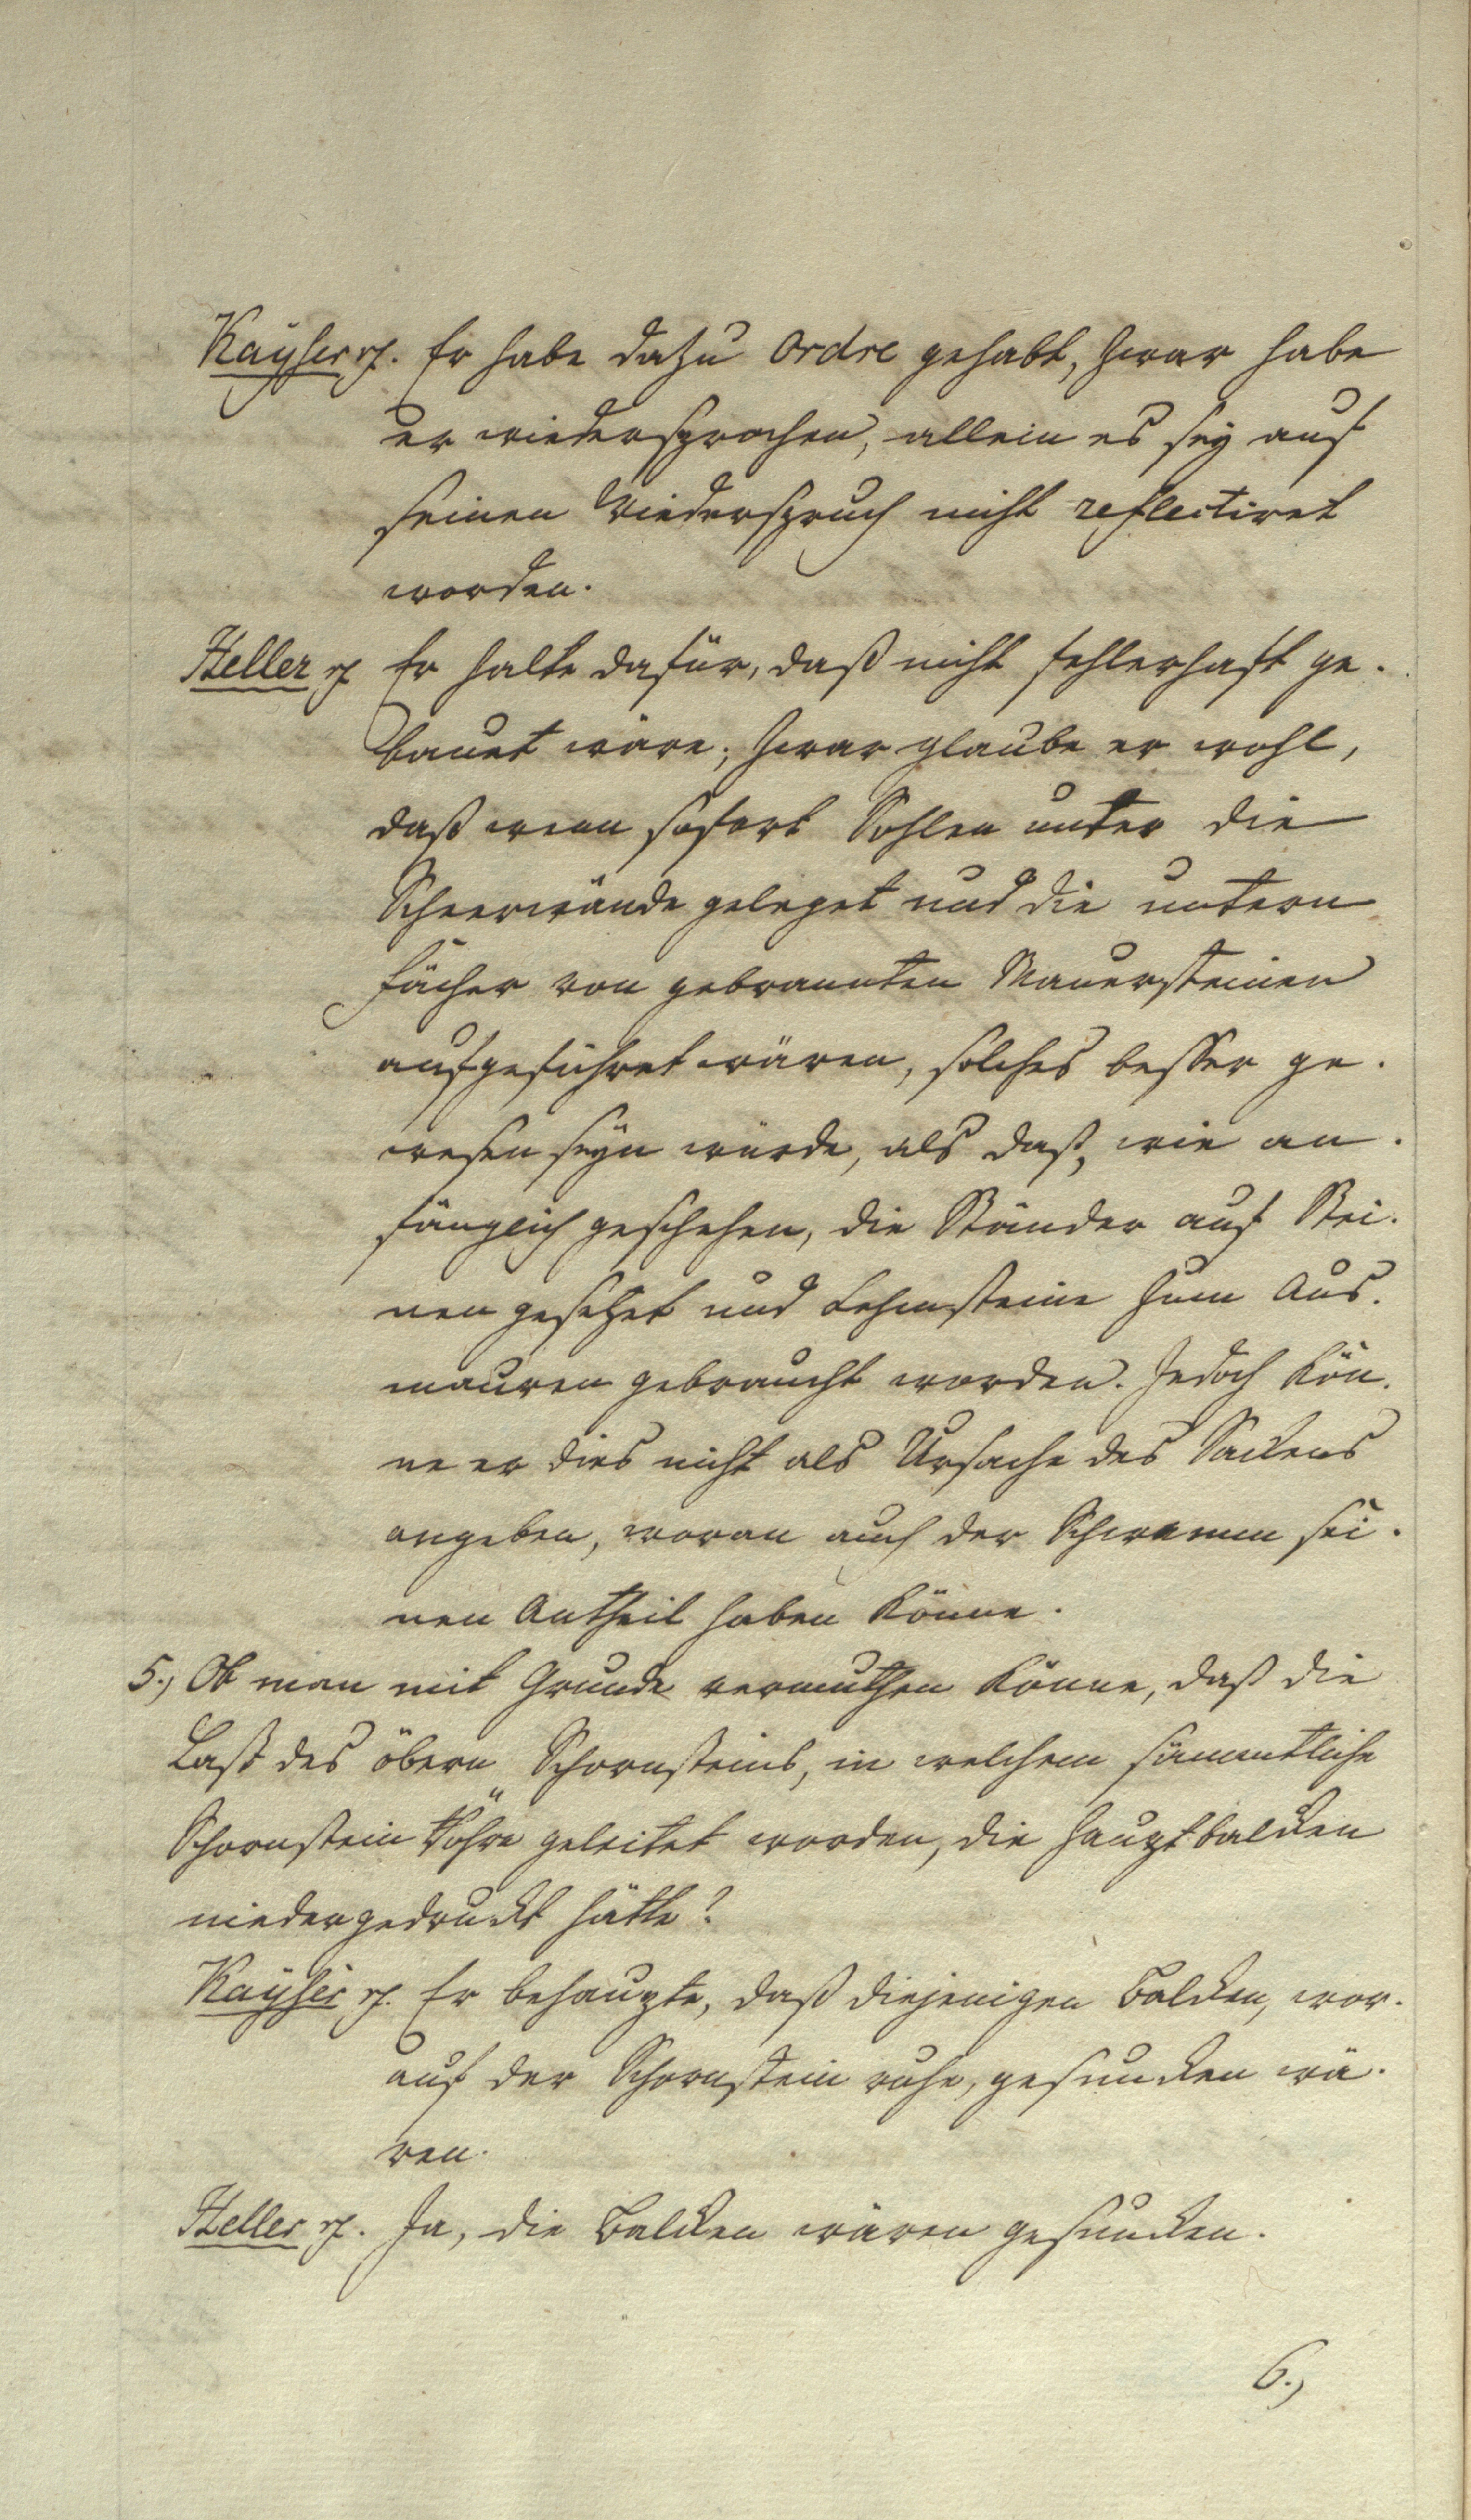Kaÿser rf. Er habe dazu Ordre gehabt, zwar habe
er wiedersprochen, allein es seÿ auf
seinen Wiederspruch nicht reflectiret
worden.
Heller rf. Er halte dafür, daß nicht fehlerhaft ge¬
bauet wäre; zwar glaube er wohl,
daß wenn sofort Sohlen unter die
Scheerwände geleget und die untern
Fächer von gebrannten Mauersteinen
aufgeführet wären, solches besser ge¬
wesen seÿn würde, als daß, wie an¬
fänglich geschehen, die Ständer auf Stei¬
nen gesetzet und Lehmsteie zum Aus¬
mauren gebraucht worden. Jedoch kön¬
ne er dies nicht als Ursache des Sackens
angeben, woran auch der Schwamm sei¬
nen Antheil haben könne.
5., Ob man mit Grunde vermuthen könne, daß die
Last des öbern Schornsteins, in welchem sämmtliche
Schornstein Röhre geleitet worden, die Hauptbalcken
niedergedruckt hätte?
Kaÿser rf. Er behaupte, daß diejenigen Balcken, wor¬
auf der Schornsteine ruhe, gesuncken wä¬
ren.
Heller rf. Ja, die Balcken wären gesuncken.
6.,